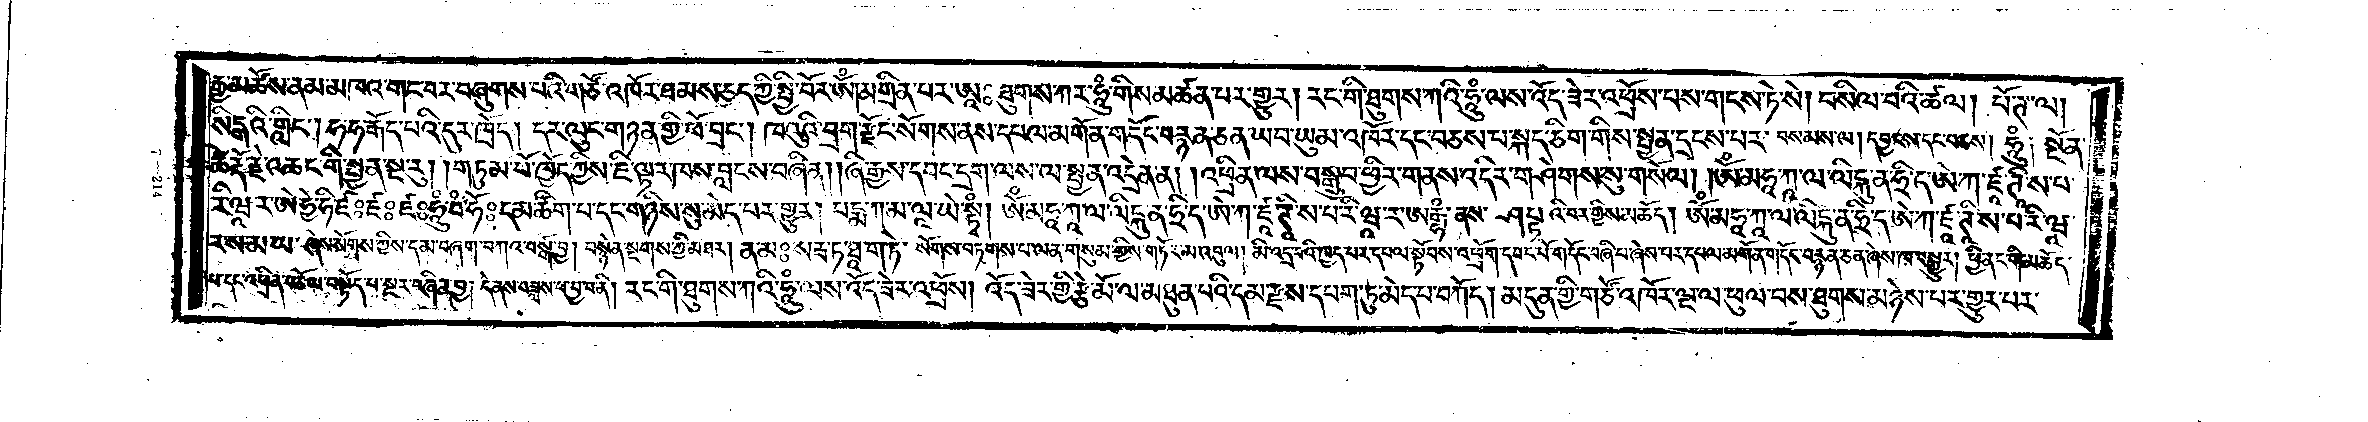རྒྱ་མཚོས་ནམ་མཁའ་གང་བར་བཞུགས་པའི་གཙོ་འཁོར་ཐམས་ཅད་ཀྱི་སྤྱི་བོར་ཨོཾ་མགྲིན་པར་ཨཱཿ ཐུགས་ཀར་ཧཱུཾ་གིས་མཚན་པར་གྱུར། རང་གི་ཐུགས་ཀའི་ཧཱུཾ་ལས་འོད་ཟེར་འཕྲོས་པས་གངས་ཏེ་སེ། བསིལ་བའི་ཚལ། པོ་ཊ་ལ།
སིངྒའི་གླིང་། ཧ་ཧ་རྒོད་པའི་དུར་ཁྲོད། དར་ལུང་གཉན་གྱི་ཕོ་བྲང་། ཁའུའི་བྲག་རྫོང་སོགས་ནས་དཔལ་མགོན་གདོང་བརྙན་ཅན་ཡབ་ཡུམ་འཁོར་དང་བཅས་པ་སྐད་ཅིག་གིས་སྤྱན་དྲངས་པར་བསམས་ལ། དབྱངས་དང་བཅས།  ཧཱུཾ༑ སྔོན་
ཚེ་རྡོ་རྗེ་འཆང་གི་སྤྱན་སྔ་རུ། །གཏུམ་པོ་ཁྱོད་ཀྱིས་ཇི་ལྟར་ཁས་བླངས་བཞིན། །ཞི་རྒྱས་དབང་དྲག་ལས་ལ་སྤྱན་འདྲེན་ན། །འཕྲིན་ལས་བསྒྲུབ་ཕྱིར་གནས་འདིར་གཤེགས་སུ་གསོལ། །ཨོཾ་མཧཱ་ཀཱ་ལ་ལིངྐུ་ན་ཧྲི་ད་ཨེ་ཀ་ཛཱ་ཊཱི་ས་པ་
རི་ཝཱ་ར་ཨེ་ཧྱེ་ཧི་ཛཿཛཿ ཛཿཧཱུཾ་བཾ་ཧོཿདམ་ཚིག་པ་དང་གཉིས་སུ་མེད་པར་གྱུར། པདམ་ཀ་མ་ལཱ་ཡེ་སྟྭཾ། ཨོཾ་མཧཱ་ཀཱ་ལ་ལིངྐུ་ན་ཧྲི་ད་ཨེ་ཀ་ཛཱ་ཊཱཨི་ས་པ་རི་ཝཱ་ར་ཨརྒྷཾ་ནས་ཤཔྟ་འི་བར་གྱིས་མཆོད།  ཨོཾ་མཧཱ་ཀཱ་ལ་ལིངྐུ་ན་ཧྲི་ད་ཨེ་ཀ་ཛཱ་ཊཱི་ས་པ་རི་ཝཱ་
ར་ས་མ་ཡ་ཞེས་སོགས་ཀྱི་དམ་བཞག་བཀའ་བསྒོ་བྱ། བསྙེན་སྔགས་ཀྱི་མཐར།  ན་མཿསརྦ་ཏ་ཐཱ་ག་ཏེ་སོགས་བཏགས་པ་ལེན་གསུམ་གྱིས་གཏོར་མ་འབུལ། མི་འདྲ་བའི་ཁྱད་པར་དཔལ་སྟོབས་འཕྲོག་དབང་པོ་གདོང་བཞི་པ་ཞེས་པར་དཔལ་མགོན་གདོང་བརྙན་ཅན་ཞེས་ཁ་བསྒྱུར། ཕྱི་ནང་གི་མཆོད་
པ་དང་འཕྲིན་བཅོལ་བསྟོད་པ་སྔར་བཞིན་བྱ། དེ་ནས་བཟླས་པ་བྱ་བ་ནི། རང་གི་ཐུགས་ཀའི་ཧཱུཾ་ལས་འོད་ཟེར་འཕྲོས། འོད་ཟེར་གྱི་རྩེ་མོ་ལ་མཐུན་པའི་དམ་རྫས་དཔག་ཏུ་མེད་པ་བཀོད། མདུན་གྱི་གཙོ་འཁོར་ལྔ་ལ་ཕུལ་བས་ཐུགས་མཉེས་པར་གྱུར་པར་